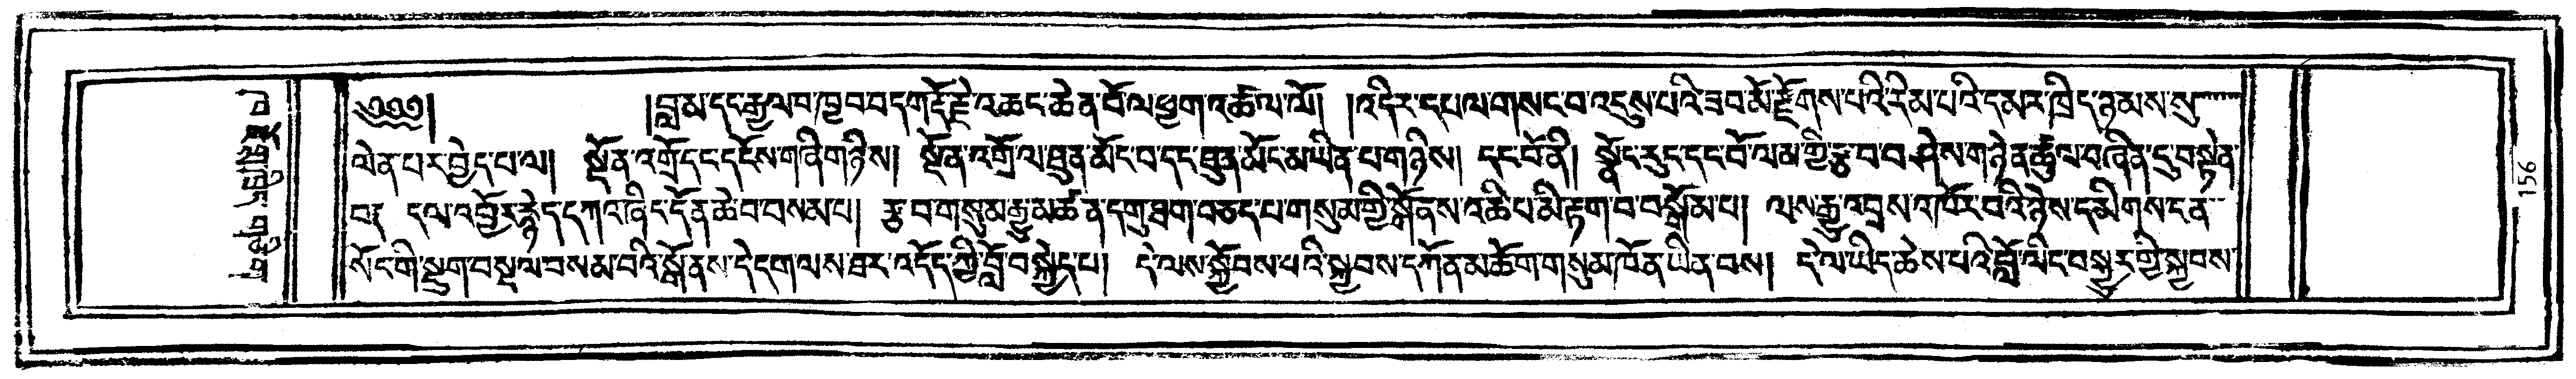༄༅༅། །བླ་མ་དང་རྒྱལ་བ་ཁྱབ་བདག་རྡོ་རྗེ་འཆང་ཆེན་པོ་ལ་ཕྱག་འཚལ་ལོ། །འདིར་དཔལ་གསང་བ་འདུས་པའི་ཟབ་མོ་རྫོགས་པའི་རིམ་པའི་དམར་ཁྲིད་ཉམས་སུ་
ལེན་པར་བྱེད་པ་ལ། སྔོན་འགྲོ་དང་དངོས་གཞི་གཉིས། སྔོན་འགྲོ་ལ་ཐུན་མོང་བ་དང་ཐུན་མོང་མ་ཡིན་པ་གཉིས། དང་པོ་ནི། སྣོད་རུང་དང་བོ་ལམ་གྱི་རྩ་བ་བཤེས་གཉེན་ཚུལ་བཞིན་དུ་བསྟེན་
པ༑ དལ་འབྱོར་རྙེད་དཀའ་ཞིང་དོན་ཆེ་བ་བསམ་པ། རྩ་བ་གསུམ་རྒྱུ་མཚན་དགུ་ཐག་བཅད་པ་གསུམ་གྱི་སྒོ་ནས་འཆི་བ་མི་རྟག་པ་བསྒོམ་པ། ལས་རྒྱུ་འབྲས་འཁོར་བའི་ཉེས་དམིགས་ངན་
སོང་གི་སྡུག་བསྔལ་བསམ་བའི་སྒོ་ནས་དེ་དག་ལས་ཐར་འདོད་ཀྱི་བློ་བསྐྱེད་པ། དེ་ལས་སྐྱོབས་པའི་སྐྱབས་དཀོན་མཆོག་གསུམ་ཁོ་ན་ཡིན་བས། དེ་ལ་ཡིད་ཆེས་པའི་བློ་ལིང་བསྐྱུར་གྱི་སྐྱབས་